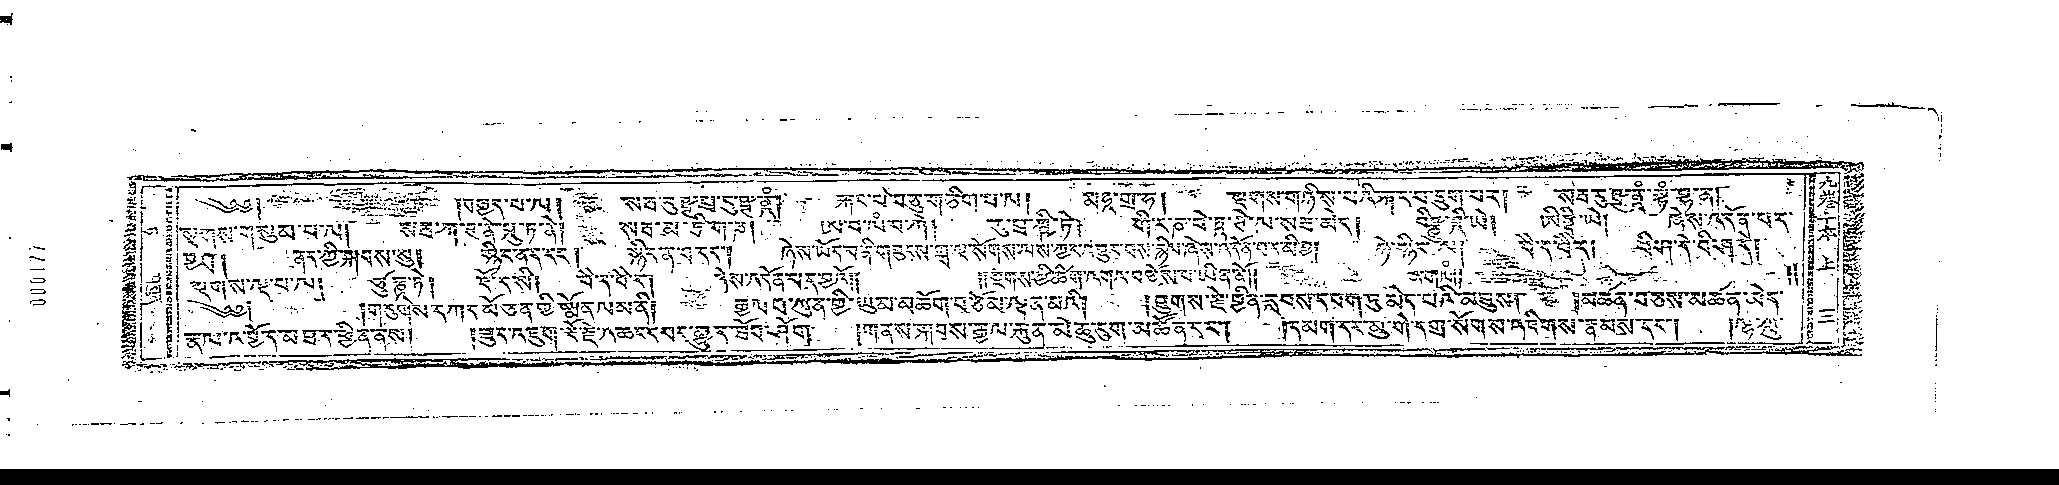༄༅། །བརྒྱད་པ་ལ། སརྦ་དུཥྚ་པྲ་དུཥྚ་ནཱཾ། །རྐང་པ་བཅུ་གཅིག་པ་ལ། མཧཱ་གྲ་ཧ། །སྔགས་གཉིས་པའི་རྐང་པ་དྲུག་པར། སརྦ་དུཥྚ་ནཱཾ་ཤཾ་བྷ་ན།
སྔགས་གསུམ་པ་ལ། སརྦ་ཀ་ཊ་ནེ་པཱུ་ཏ་ནེ། སརྦ་མ་ཏྲི་ག་ཎ། ཨ་བ་ལཾ་བ་ཀེ། དུ་པྲ་ཀྵི་ཏེ། གི་ར་ཎ་བེ་ཏཱ་ཊེ་ལ་སརྦ་མེད། པིཥྞུ་བཱི་ཡེ། ཨིནྡྲི་ཡེ། །ཞེས་འདོན་པར་
བྱ། །ནད་ཀྱི་སྐབས་སུ། སྙིང་ནད་དང་། སྙིང་ན་བ་དང་། ཞེས་ཡོད་པ་ནི་གཟུངས་གྲྭ་ལྔ་སོགས་ལས་ཀྱང་འབྱུང་བས་རྙིལ་ཞེས་འདོན་བར་མི་བྱ། ཉེ་སྙིང་ལ། བཻ་ར་བཻ་ར། བི་ཤ་རེ་བི་ཤ་རེ།
སྔགས་ལྔ་པ་ལ། ཙུརྞཱ་ཏེ། ཛོ་ར་སི། བཻ་ར་བཻ་ར། ཞེས་འདོན་པར་བྱའོ།། །།སྔགས་ཀྱི་ཚིག་འགའ་བཅོས་པ་ཡིན་ནོ།། །།མངྒ་ལཾ།། །།
༄༅། །གདུགས་དཀར་མོ་ཅན་གྱི་སྨོན་ལམ་ནི། རྒྱལ་བ་ཀུན་གྱི་ཡུམ་མཆོག་བཅོམ་ལྡན་མའི། །ཐུགས་རྗེ་བྱིན་རླབས་དཔག་ཏུ་མེད་པའི་མཐུས། །མཚན་བཅས་མཚན་མིད་
རྣལ་འབྱོར་མཐར་ཕྱིན་ནས། །ཟུང་འཇུག་རྡོ་རྗེ་འཆད་དབང་མྱུར་ཐོབ་ཤོག །གནས་སྐབས་རྒྱལ་རྐུན་མེ་ཆུ་དུག་མཚོན་དང་། །དམག་དང་མུ་གེ་དགྲ་སོགས་འཇིགས་རྣམས་དང་། །ལྷ་ཀླུ་